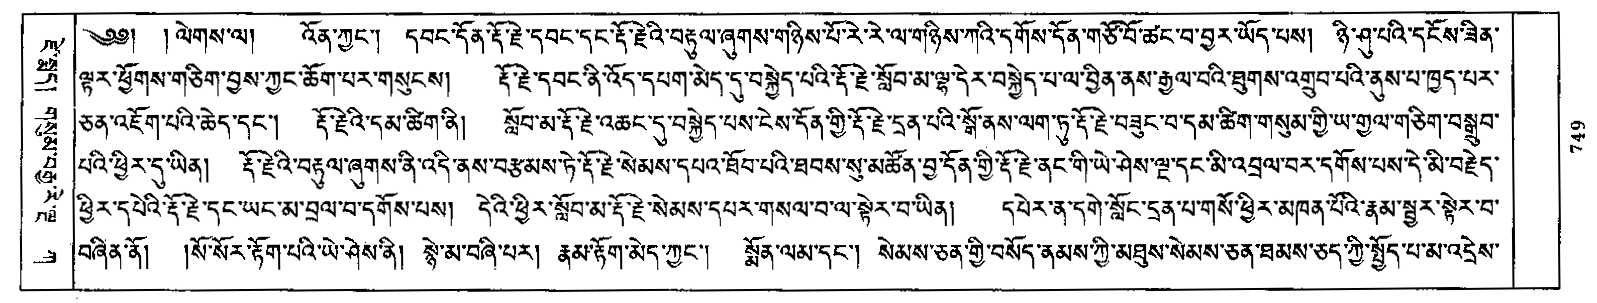༄༅། །ལེགས་ལ། འོན་ཀྱང་། དབང་དོན་རྡོ་རྗེ་དབང་དང་རྡོ་རྗེའི་བརྟུལ་ཞུགས་གཉིས་པོ་རེ་རེ་ལ་གཉིས་ཀའི་དགོས་དོན་གཙོ་བོ་ཚང་བ་བྱར་ཡོད་པས། ཉི་ཤུ་པའི་དངོས་ཟིན་
ལྟར་ཕྱོགས་གཅིག་བྱས་ཀྱང་ཆོག་པར་གསུངས། རྡོ་རྗེ་དབང་ནི་འོད་དཔག་མེད་དུ་བསྐྱེད་པའི་རྡོ་རྗེ་སློབ་མ་ལྷ་དེར་བསྐྱེད་པ་ལ་བྱིན་ནས་རྒྱལ་བའི་ཐུགས་འགྲུབ་པའི་ནུས་པ་ཁྱད་པར་
ཅན་འཇོག་པའི་ཆེད་དང་། རྡོ་རྗེའི་དམ་ཚིག་ནི། སློབ་མ་རྡོ་རྗེ་འཆང་དུ་བསྐྱེད་པས་ངེས་དོན་གྱི་རྡོ་རྗེ་དྲན་པའི་སྒོ་ནས་ལག་ཏུ་རྡོ་རྗེ་བཟུང་བ་དམ་ཚིག་གསུམ་གྱི་ཡ་གྱལ་གཅིག་བསྒྲུབ་
པའི་ཕྱིར་དུ་ཡིན། རྡོ་རྗེའི་བརྟུལ་ཞུགས་ནི་འདི་ནས་བརྩམས་ཏེ་རྡོ་རྗེ་སེམས་དཔའ་ཐོབ་པའི་ཐབས་སུ་མཚོན་བྱ་དོན་གྱི་རྡོ་རྗེ་ནང་གི་ཡེ་ཤེས་ལྔ་དང་མི་འབྲལ་བར་དགོས་པས་དེ་མི་བརྗེད་
ཕྱིར་དཔེའི་རྡོ་རྗེ་དང་ཡང་མ་བྲལ་བ་དགོས་པས། དེའི་ཕྱིར་སློབ་མ་རྡོ་རྗེ་སེམས་དཔར་གསལ་བ་ལ་སྟེར་བ་ཡིན། དཔེར་ན་དགེ་སློང་དྲན་པ་གསོ་ཕྱིར་མཁན་པོའི་རྣམ་སྦྱར་སྟེར་བ་
བཞིན་ནོ། །སོ་སོར་རྟོག་པའི་ཡེ་ཤེས་ནི། སྙེ་མ་བཞི་པར། རྣམ་རྟོག་མེད་ཀྱང་། སྨོན་ལམ་དང་། སེམས་ཅན་གྱི་བསོད་ནམས་ཀྱི་མཐུས་སེམས་ཅན་ཐམས་ཅད་ཀྱི་སྤྱོད་པ་མ་འདྲེས་